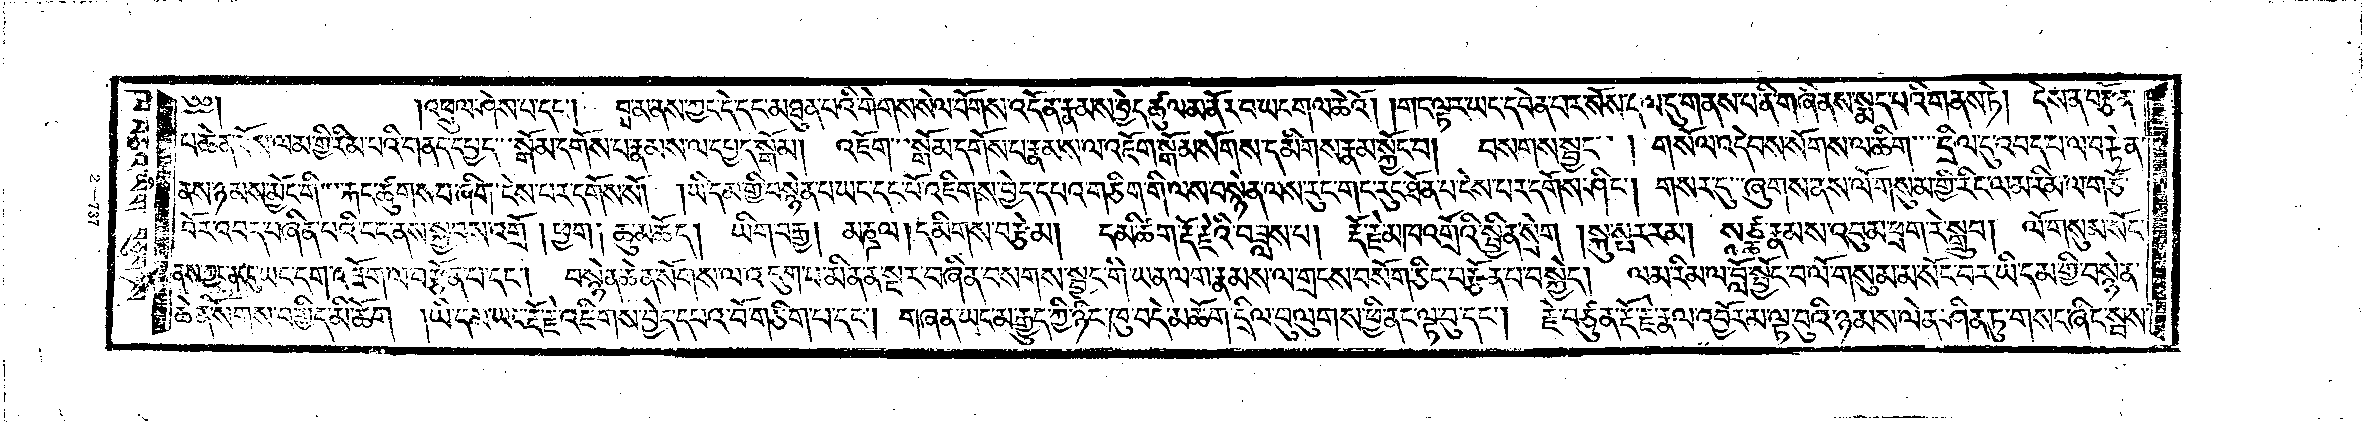༄༅། །འཕྲུལ་ཤེས་པ་དང་། བླ་མ་ནས་ཀྱང་དེ་དང་མཐུན་པའི་གེགས་སེལ་བོགས་འདོན་རྣམས་བྱེད་ཚུལ་མནོར་བ་ཡང་གལ་ཆེའོ། །གང་ལྟར་ཡང་དབེན་པར་སོས་དལ་དུ་གནས་པ་ནི་གཞི་ནས་སྨད་པའི་གནས་ཏེ། དེས་ན་བརྩོན་
པ་ཆེན་པོས་ལམ་གྱི་རིམ་པའི་གནད་དཔྱད་སྒོམ་དགོས་པ་རྣམས་ལ་དཔྱད་སྒོམ། འཇོག་སྒོམ་དགོས་པ་རྣམས་ལ་འཇོག་སྒོམ་སོགས་དམིགས་རྣམ་སྐྱོང་བ། བསགས་སྦྱང་། གསོལ་འདེབས་སོགས་ལ་ཚིག་དྲིལ་དུ་འབད་པ་ལ་བརྟེན་
ནས་ཉམས་མྱོང་གི་རྐང་ཚུགས་པ་ཞིག་ངེས་པར་དགོས་སོ། །ཡི་དམ་གྱི་བསྙེན་པ་ཡང་དང་པོ་འཇིགས་བྱེད་དཔའ་གཅིག་གི་ལས་བསྙེན་ལས་རུང་གང་རུང་ཐོན་པ་ངེས་པར་དགོས་ཤིང་། གསར་དུ་ཞུགས་ནས་ལོ་གསུམ་གྱི་རིང་ལམ་རིམ་ལ་གཙོ་
བོར་འབད་བཞིན་པའི་ངང་ནས་སྐྱབས་འགྲོ། ཕྱག༑ ཆུ་མཆོད། ཡིག་བརྒྱ། མཎྜལ། དམིགས་བརྩེམ། དམ་ཚིག་རྡོ་རྗེའི་བཟླས་པ། རྡོ་རྗེ་མཁའ་འགྲོའི་སྦྱིན་སྲེག །སྐུ་སྤར་རམ། སཱཙྪ་རྣམས་འབུམ་ཕྲག་རེ་སྒྲུབ། ལོ་གསུམ་སོང་
ནས་ཀྱང་ནང་དུ་ཡང་དག་འྯོག་ལ་བརྩོན་པ་དང་། བསྙེན་ཆེན་སོགས་ལ་འདུག་པ་མིན་ན་སྔར་བཞིན་བསགས་སྦྱང་གི་ཡན་ལག་རྣམས་ལ་གྲངས་བསོག་ཅིང་བརྩོན་པ་བསྐྱེད། ལམ་རིམ་ལ་བློ་སྦྱོང་བ་ལོ་གསུམ་མ་སོ་འབར་ཡི་དམ་གྱི་བསྙེན་
ཆེན་སོགས་བགྱིད་མི་ཆོག །ཡི་དམ་ཡང་རྡོ་རྗེ་འཇིགས་བྱེད་དཔའ་བོ་གཅིག་པ་དང་། གཞན་ཡང་མ་རྒྱུད་ཀྱི་ཉིང་ཁུ་བདེ་མཆོག་དྲིལ་བུ་ལུགས་ཕྱི་ནང་ལྟ་བུ་དང་། རྗེ་བཙུན་རྡོ་རྗེ་རྣལ་འབྱོར་མ་ལྟ་བུའི་ཉམས་ལེན་ཤིན་ཏུ་གསང་ཞིང་སྦས་